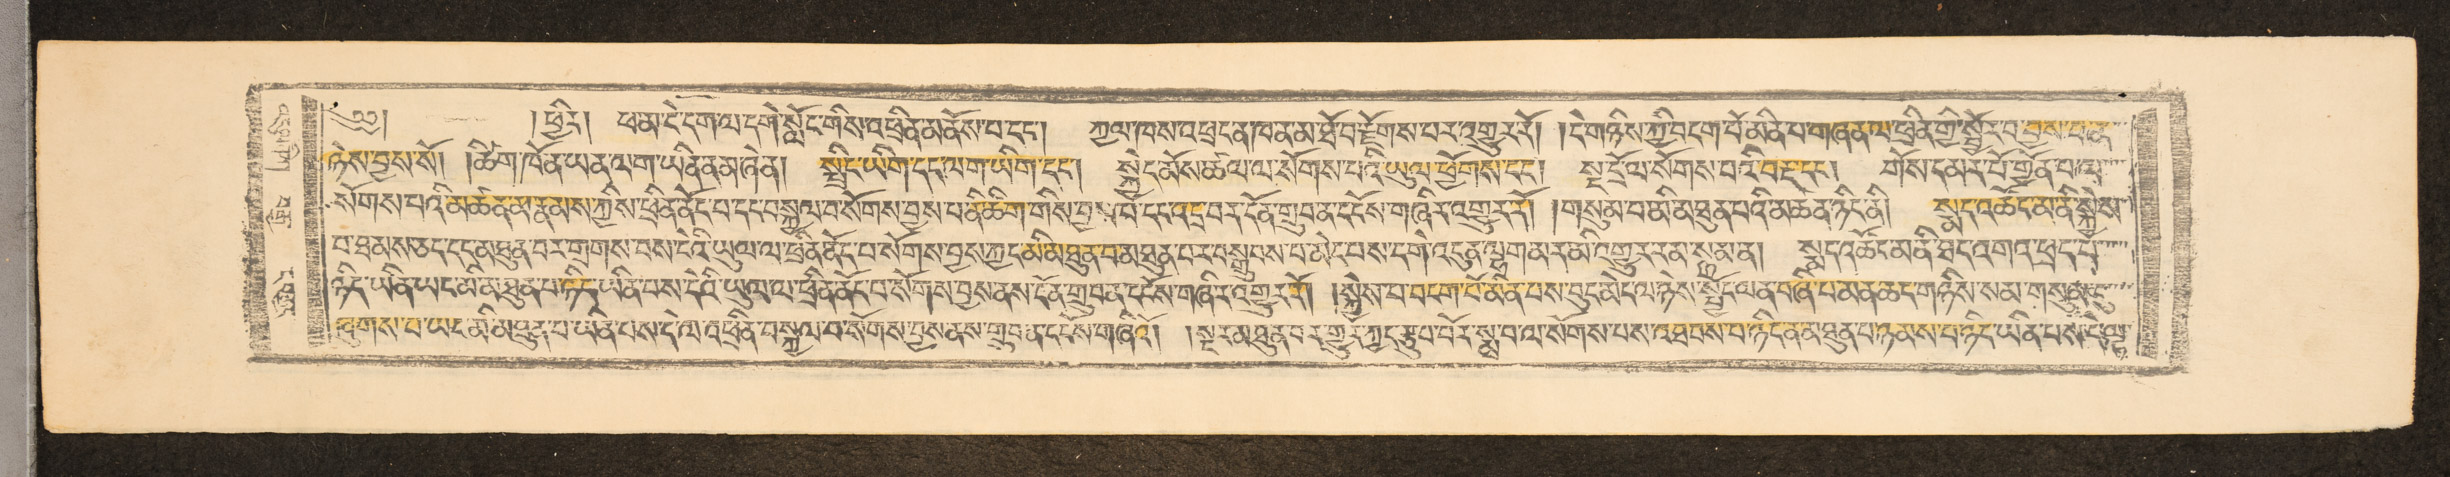༄༅། །ཕྱིར། ཕ་མ་དེ་དག་ལ་དགེ་སློང་གིས་འཕྲིན་མནོས་པ་དང་། ཀྱལ་ཁས་འཕྲད་ན་ཁ་ན་མ་ཐོ་བ་རྫོགས་པར་འགྱུར་རོ། །དེ་གཉིས་ཀྱི་བདག་པོ་མིན་པ་གཞན་ལ་ཕྲིན་གྱི་སྦྱོར་བ་བྱས་པ་ནི་
ཉེས་བྱས་སོ། །ཚིག་ཁོ་ན་ཡན་ལག་ཡིན་ནམ་ཞེ་ན། སྤྲིང་ཡིག་དང་ལག་ཡིག་དང་། སྐྱེད་མོས་ཚལ་ལ་སོགས་པའི་ཡུལ་ཕྱོགས་དང་། སྔ་དྲོ་ལ་སོགས་པའི་བརྡ་དང་། གོས་དམར་པོ་གྱོན་པ་ལ་
སོགས་པའི་མཚན་མ་རྣམས་ཀྱིས་ཕྲིན་ནོད་པ་དང་བསྐྱལ་བ་སོགས་བྱས་པ་ནི་ཚིག་གིས་བྱས་པ་དང་འདྲ་བར་དོན་གྲུབ་ན་དངོས་གཞིར་འགྱུར་རོ། །གསུམ་པ་མི་མཐུན་པའི་མཚན་ཉིད་ནི། སྨད་འཚོང་མ་ནི་སྐྱེས་
པ་ཐམས་ཅད་དང་མཐུན་པར་གྲགས་པས་དེའི་ཡུལ་ལ་ཕྲིན་ནོད་པ་སོགས་བྱས་ཀྱང་མི་མཐུན་པ་མཐུན་པ་མཐུན་པར་བསྒྲུབས་པ་མེད་པས་དགེ་འདུན་ལྷག་མར་མི་འགྱུར་རམ་སྙམ་ན། སྨད་འཚོང་མ་ནི་ཐང་འགའ་ཕྲད་པ་
ཉིད་ཡིན་ཡང་མི་མཐུན་པ་ཉིད་ཡིན་པས་དེའི་ཡུལ་ལ་ཕྲིན་ནོད་པ་སོགས་བྱས་ནས་དོན་གྲུབ་ན་དངོས་གཞིར་འགྱུར་རོ། །སྐྱེས་པ་བདག་པོ་མིན་བས་བུད་མེད་ལ་ཉེས་སྤྱོད་ལན་བཞི་པ་མན་ཆད་གཉིས་སམ་གསུམ་དུ་
ཞུགས་པ་ཡང་མི་མཐུན་པ་ཡིན་པས་དེ་ལ་འཕྲིན་བསྐྱལ་བ་སོགས་བྱས་ནས་གྲུབ་ན་དངོས་གཞིའོ། །སྔར་མཐུན་པར་གྱུར་ཀྱང་རྩུབ་པོར་སྨྲ་བ་ལ་སོགས་པས་འཐབས་པ་ཉིད་ན་མཐུན་པ་ཉམས་པ་ཉིད་ཡིན་པས་དེ་ལྟ་